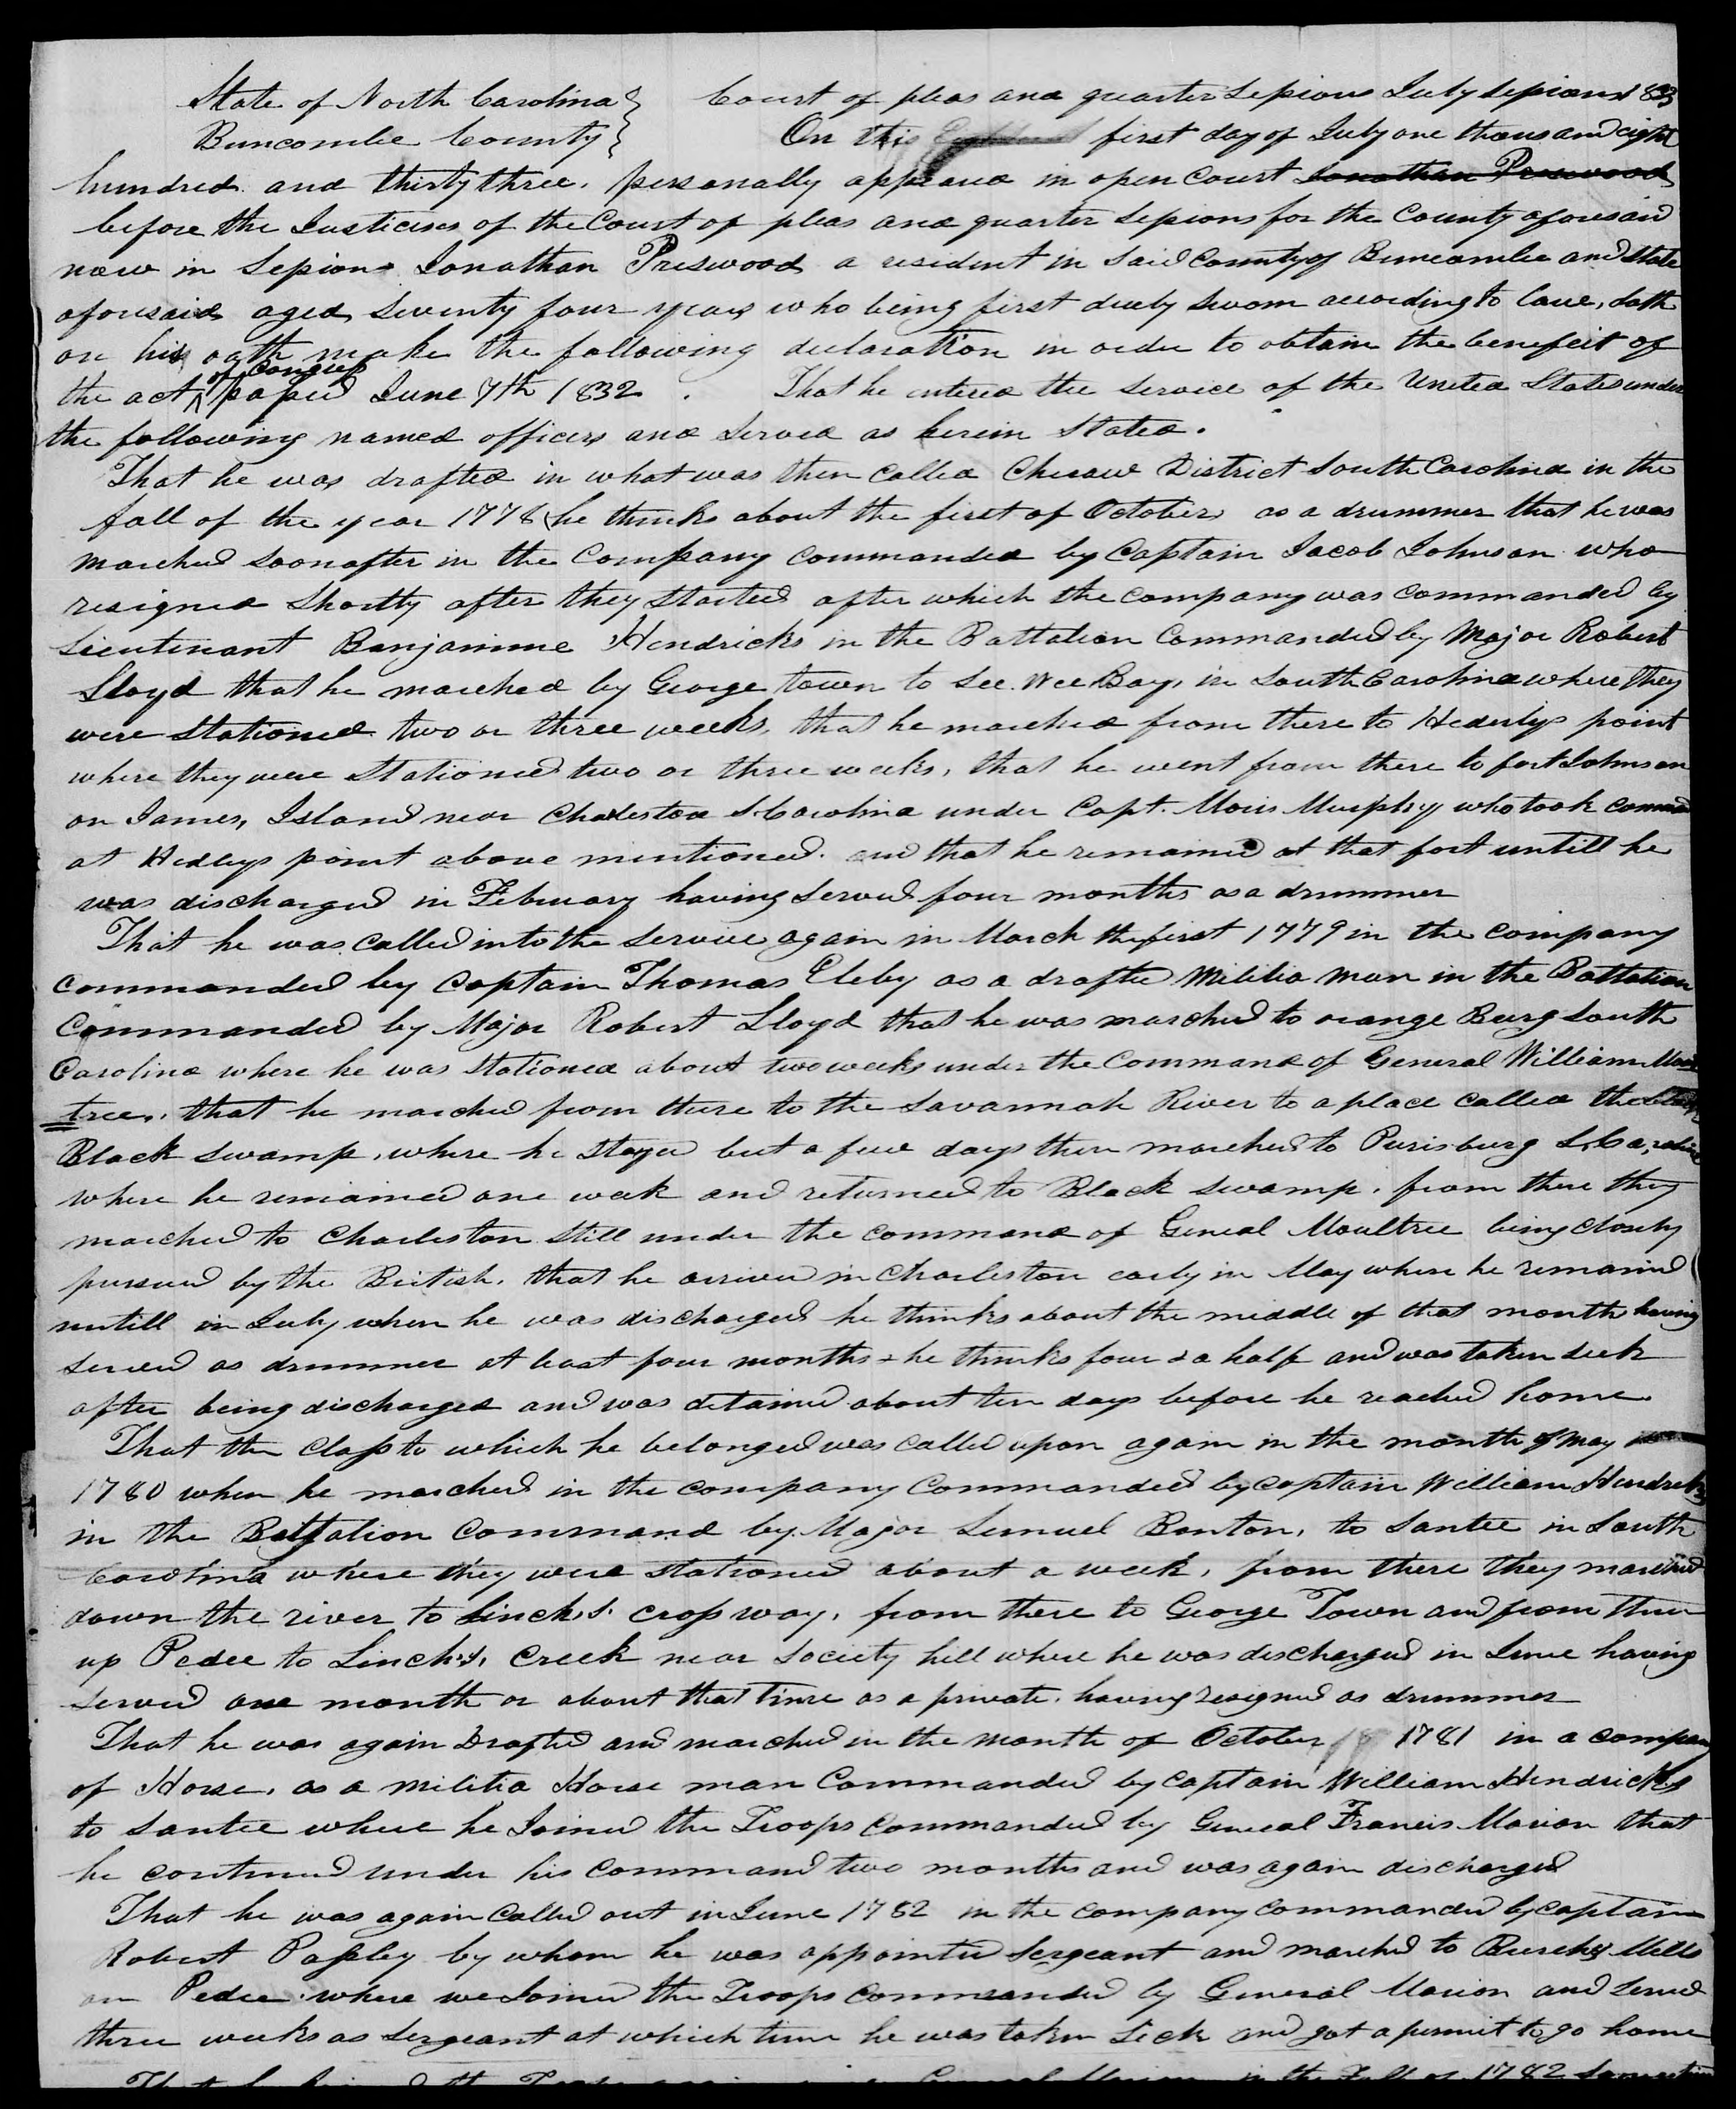State of North Carolina
Buncombe County
Court of pleas and quarter Sessions July Sessions 1833
On this first day of July one thousand eight hundred and thirty three, personally appeared in open Court before the Justices of the Court of pleas and quarter Sessions for the County aforesaid now in Sessions Jonathan Prestwood a resident in said County of Buncombe and State aforesaid aged Seventy four years who being first duly sworn according to law, doth on his oath make the following declaration in order to obtain the benefit of the act passed June 7th 1832. That he entered the service of the United States under the following named officers and served as herein stated. 
That he was drafted in what was then called Cheraw District South Carolina in the fall of the year 1778 he thinks about the first of October, as a drummer that he was marched soon after in the company commanded by Captain Jacob Johnson who resigned Shortly after they started after which the company was commanded by Lieutenant Benjamin Hendricks in the Battalion commanded by Major Robert Lloyd [Lide] that he marched by Georgetown to See Wee Bay in South Carolina where they were stationed two or three weeks, that he marched from there to Hedly's point where they were stationed two or three weeks, that he went from there to Fort Johnson on James, Island near Charleston S. Carolina under Capt. Morris [Maurice] Murphy who took command at Hedleys point above mentioned, and that he remained at that fort until he was discharged in February having served four months as a drummer.
That he was called into the service again in March the first 1779 in the company commanded by Captain Thomas Eleby [Ellerbee] as a drafted Militia man in the Battalion commanded by Major Robert Lloyd [Lide] that he was marched to OrangeBurg South Carolina where he was stationed about two weeks under the command of General William Moultrie that he marched from there to the Savannah River to a place called the Black Swamp where he stayed but a few days then marcher to Purisburg S. Ca.
where he remained one week and returned to Black Swamp, from there they marched to Charleston still under the command of General Moultrie being closely pursued by the British, that he arrived in Charleston early in May where he remained untill in July when he was discharged he thinks about the middle of that month having served as drummer at least four months & he thinks four & a half and was taken sick after being discharged and was detained about ten days before he reached home
That the class to which he belonged was called upon again in the month of May 1780 when he marched in the company commanded by Captain William Hendrik [Hendricks] in the Battalion command by Major Lemuel Benton, to Santee in South Carolina where they were stationed about a week, from there they marched down the river to Lincks crossway, from there to George Town and from their up Pedee to Linck's, Creek near Society hill where he was discharged in June having served one month or about that time as a private, having resigned as drummer
That he was again drafted and marched in the month of October 1781 in a company of Horse, as a militia horse man commanded by Captain William Hendricks to Santee where he joined the Troops Commanded by General Francis Marion that he continued under his command two months and was again discharged
That he was again called out in June 1782 in the company commanded by Captain Robert Passley [Robert Pasley] by whom he was appointed Sergeant and marched to Burch Hill on Pedee where we joined the Troops commanded by General Marion and served three weeks as Sergeant at which time he was taken sick and got a permit to go home.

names: Thomas Eleby; William Moultree; Benjamine Hendricks; Robert Lloyd; Robert Passley; Francis Marion; William Hendricks; William Hendriks; Jonathan Preswood; Moris Murphy; Lemuel Benton; Jacob Johnson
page: 10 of 13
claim: survivor's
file: S. 8,977, for Jonathan Prestwood, South Carolina